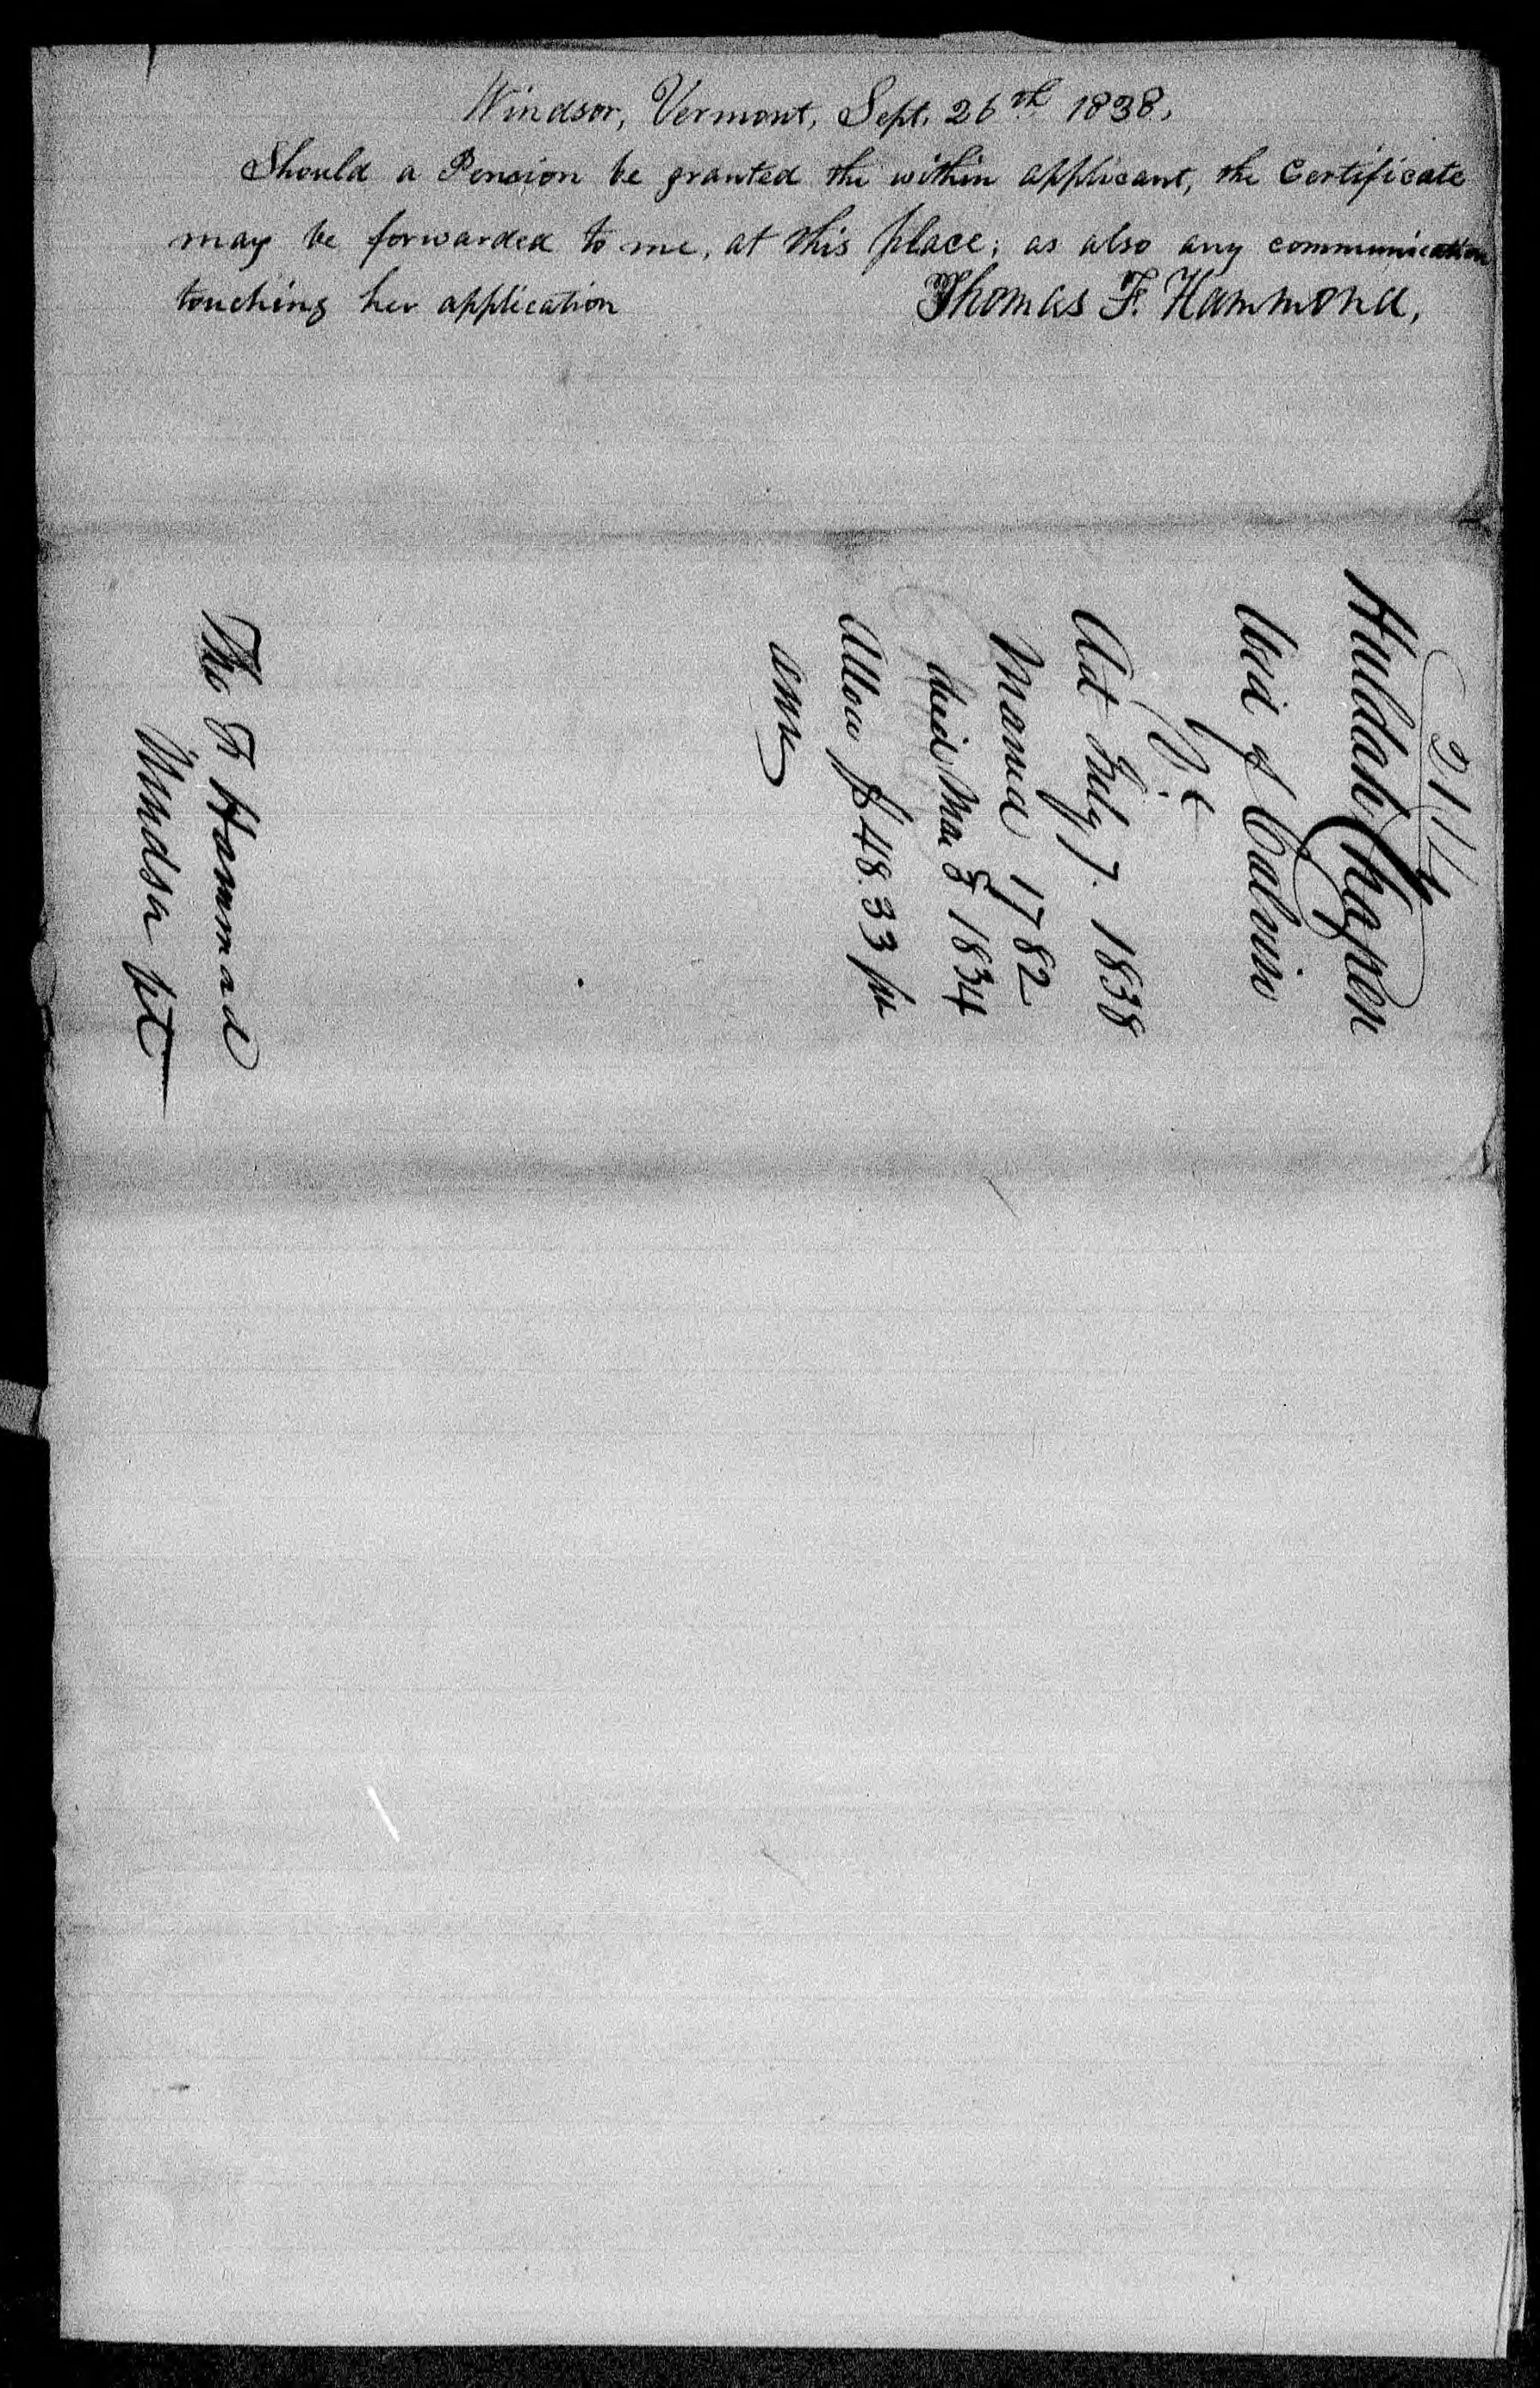Windsor, Vermont, Sept. 26th 1838,
Should a Pension be granted the within applicant, the Certificate may be forwarded to me, at this place; as also any communication touching her application.
Thomas F. Hammond,


2114

Huldah Chapen
Did of Calvin
Vt
Act July 7, 1838
Married 1782
died Mar 3 1834
Allow $48.33 pr ann

Tho F Hammond 
Windsor VT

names: Calvin Chapen, Tho F Hammond, Thomas F Hammond, Huldah Chapen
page: 13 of 35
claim: widow's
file: W. 20,864, Calvin Chapin, Mass. Vt.